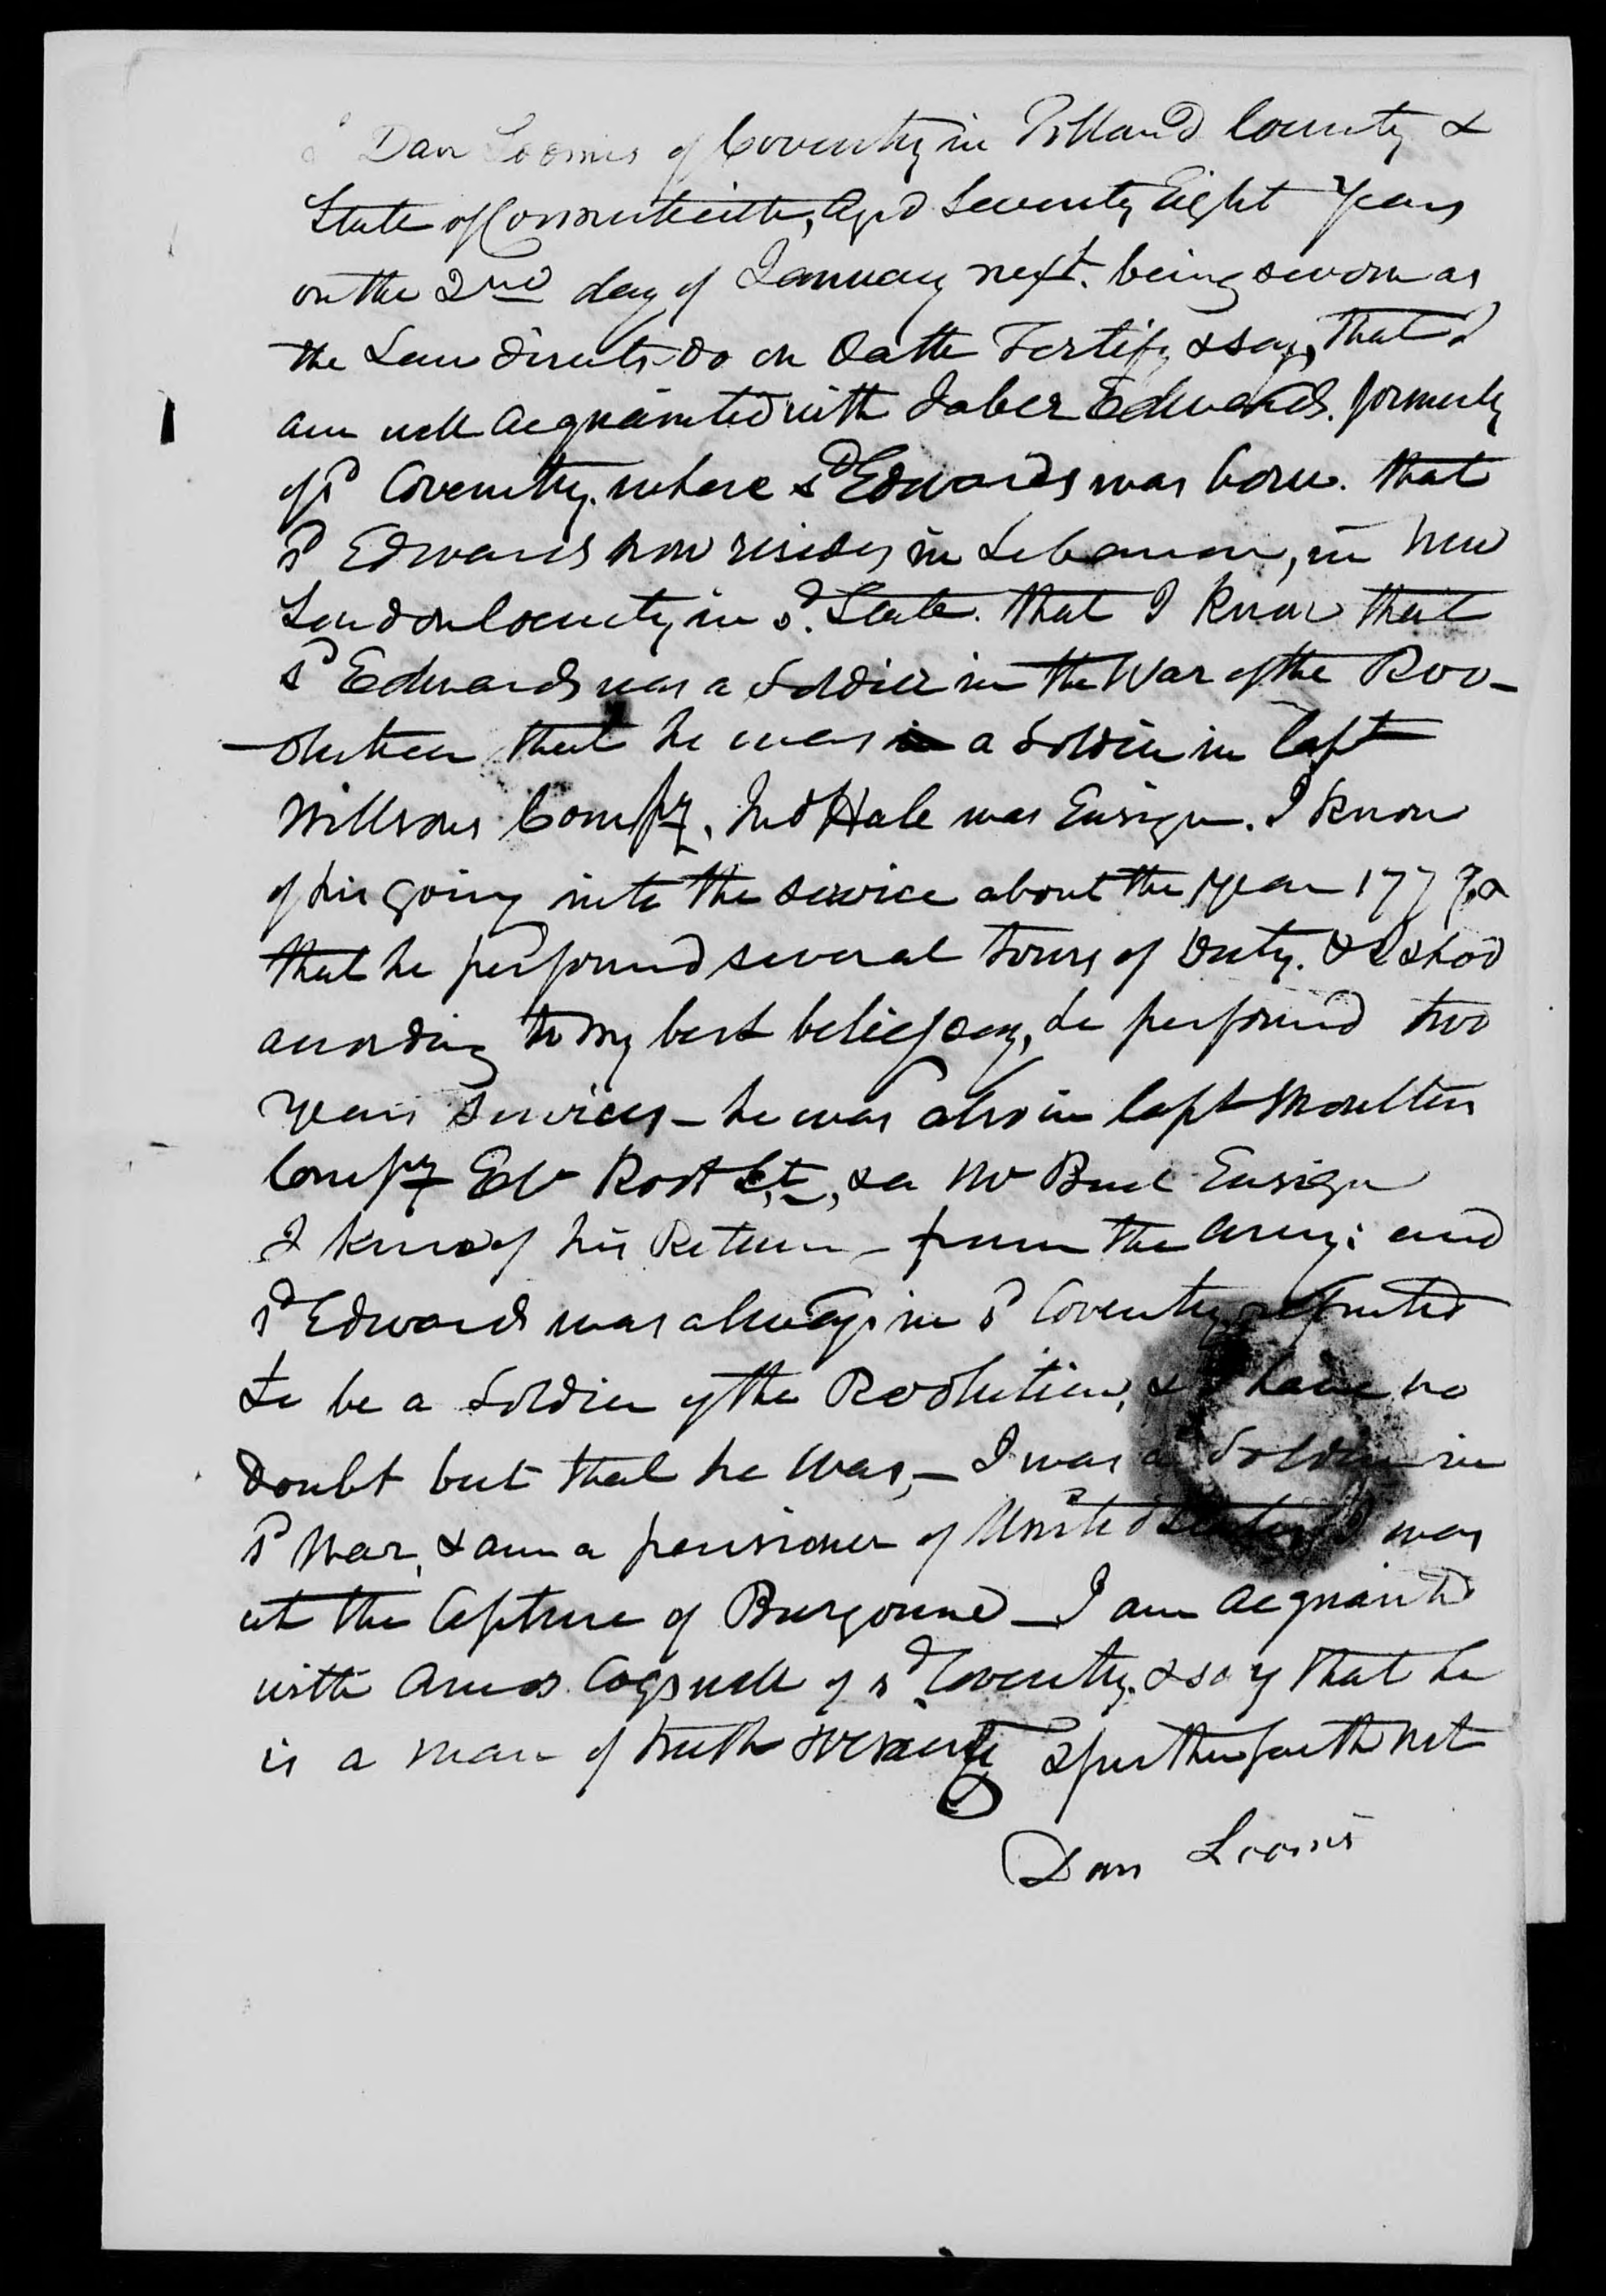I Dan Loomis of Coventry in Tolland County of State of Connecticut, aged seventy eight years on the 2nd day of January next being sworn as the law directs do on oath testify & say, that I am well acquainted with Jaber Edwards, formerly of Coventry, where said Edwards was born. That said Edwards now resides in Lebanon, in New London County in said State. That I know that said Edwards was a soldier in the War of the Revolution. That he was a soldier in Capt. Williams company. Said Hale was Ensign. I know of his going into the service about the year 1779, that he performed several tours of duty. [illegible] according to my best belief say, he performed two years services. He was also in Capt. Moulton company & [illegible...] & a [illegible] ensign. I know of his return from the army, and said Edwards was always in said Coventry & further to be a soldier of the Revolution, & I have no doubt but that he was. I was a soldier in said War & am a pensioner of United States. I was at the Capture of Burgoyne. I am acquainted with Amos Cogswell of said Coventry & say that he is a man of truth & veracity. & further saith not.
{signed} Dan Loomis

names: Jabez Edwards, Dan Looms, Edwards, Buel, Edwards, Amos Cogswell, Dan Loomis, Edwards, Jno Hale, Edwards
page: 21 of 50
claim: survivor's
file: S 10607, Jabez Edwards, Conn.